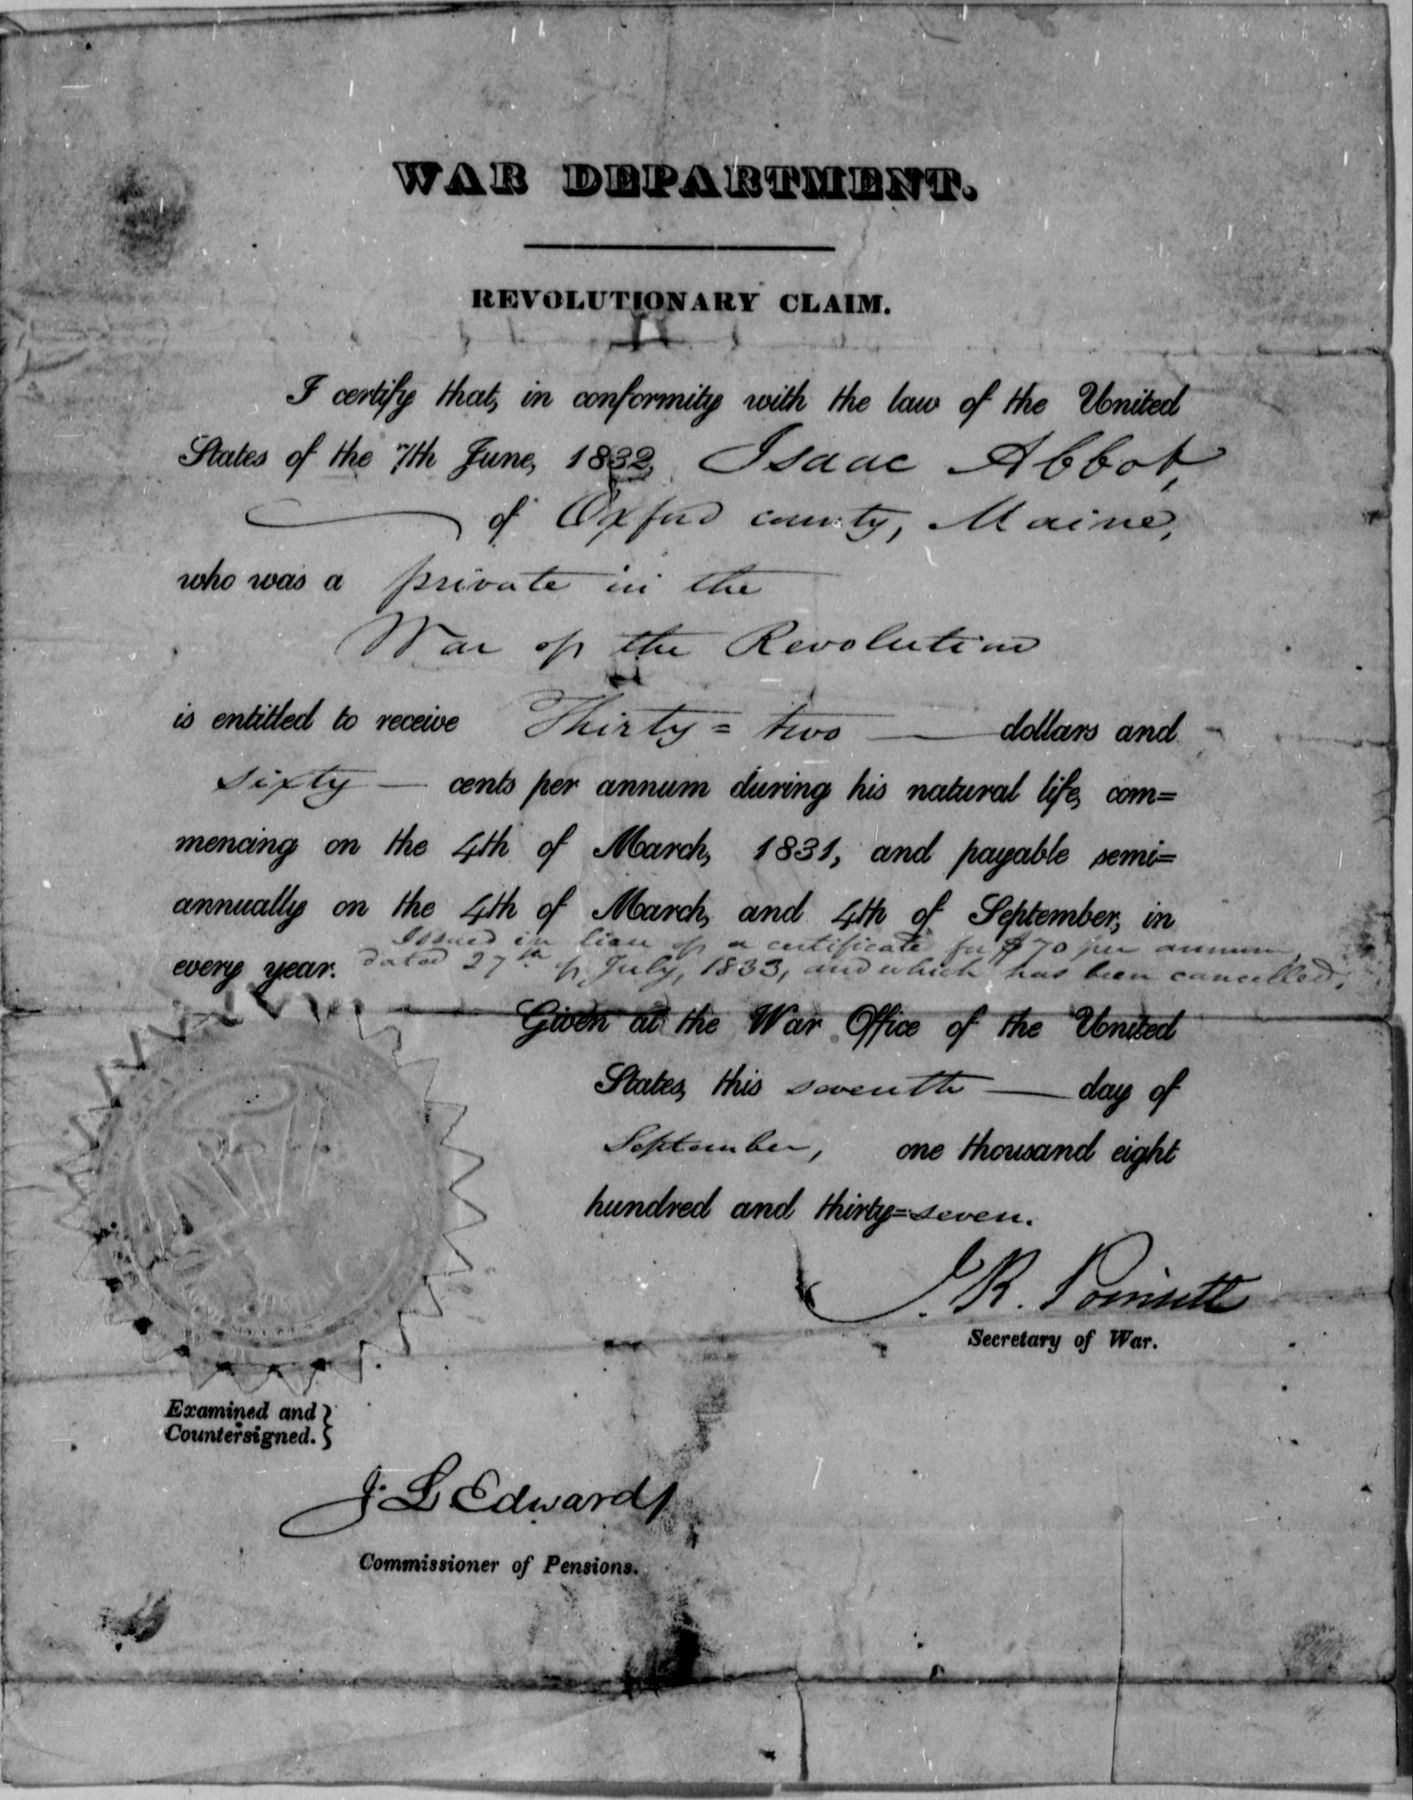WAR DEPARTMENT.
____________________
REVOLUTIONARY CLAIM.

I certify that, in conformity with the law of the United States of the 7th June, 1832, Isaac Abbott, of Oxford County, Maine, who was a private in the War of the Revolution is entitled to receive Thirty-two dollars and sixty cents per annum during his natural life, commencing on the 4th of March, 1831, and payable semi-annually on the 4th March, and 4th of September, in every year. Issued in lieu of a certificate for $70 per annum dated 27th of July, 1838, and which has been cancelled.

Given at the War Office of the United States, this seventh day of September, one thousand eight hundred and thirty-seven.

[SINGED: J. R. Poinsett]
Secretary of War.

Examined and}
Countersigned.}
[SIGNED: J. L. Edwards]
Commissioner of Pensions.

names: Isaac Abbot, J R Poinsett, J L Edwards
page: 66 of 86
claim: survivor's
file: S 29,568, Isaac Abbot, Mass